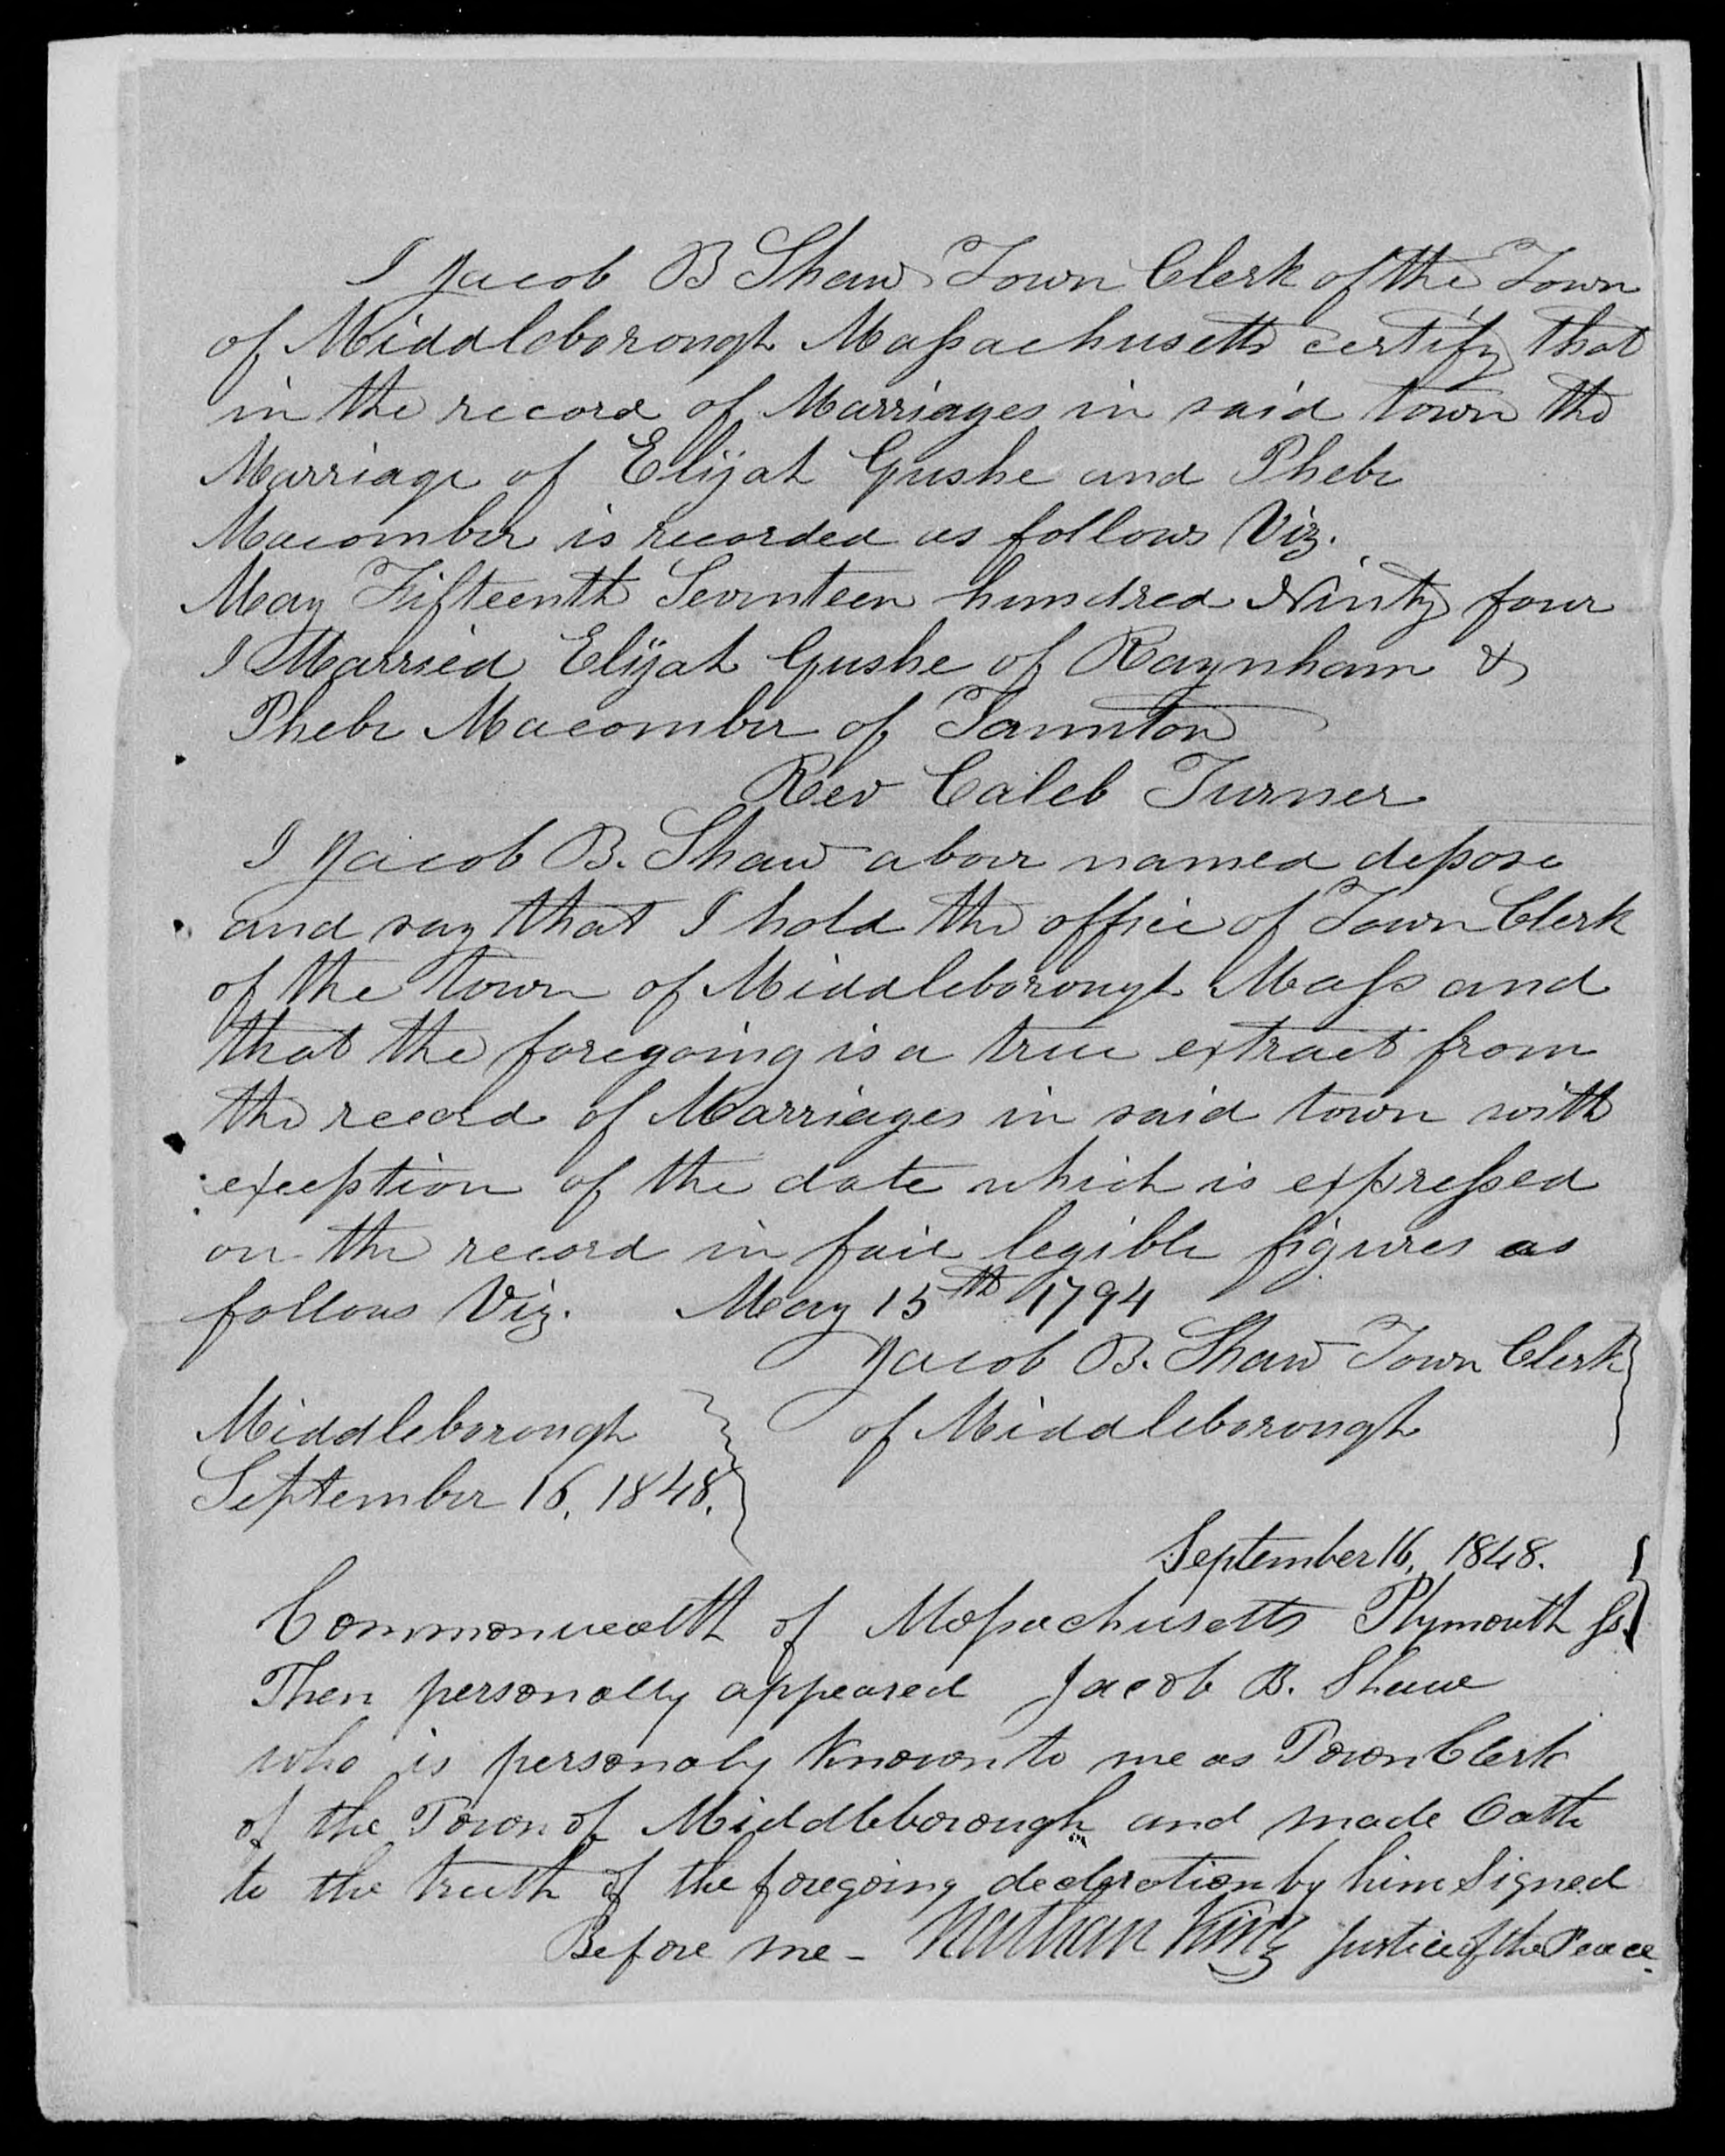I Jacob B Shaw Town Clerk of the Town of
Middleborough Massachusetts certify that
in the record of Marriages in said town the
Marriage of Elijah Gushee and Phebe
Macomber is recorded as follows Viz.

May Fifteenth Seventeen hundred Ninty four
I married Elijah Gushe of Raynham &
Phebe Macomber of Taunton
Rev Caleb Turner

I Jacob B. Shaw above named depose and say that I hold the office of Town Clerk of the town of Middleborough Mass and that the foregoing is a true extract from the record of Marriages in said town with exception of the date which is expressed on the record in fair legible figures as follows Viz. 
May 15th 1794
Signature of Jacob B. Shaw Town Clerk of 
Middleborough

September 16, 1848.
Commonwealth of Massachusetts Plymouth ss. 
Then personally appeared Jacob B. Shaw who is personally known to me as Town Clerk of the Town of Middleborough and made Oath to the truth of the foregoing declaration by him Signed
Before me
Signature of Nathan King
Justice of the Peace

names: Jacob B Shaw, Jacob B Shaw, Elijah Gushe, Jacob B Shaw, Caleb Turner, Phebe Macomber, Nathan King, Jacob B Shaw, Elijah Gushe, Phebe Macomber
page: 15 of 36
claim: widow's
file: W. 8838, Elijah Gushee, Mass.